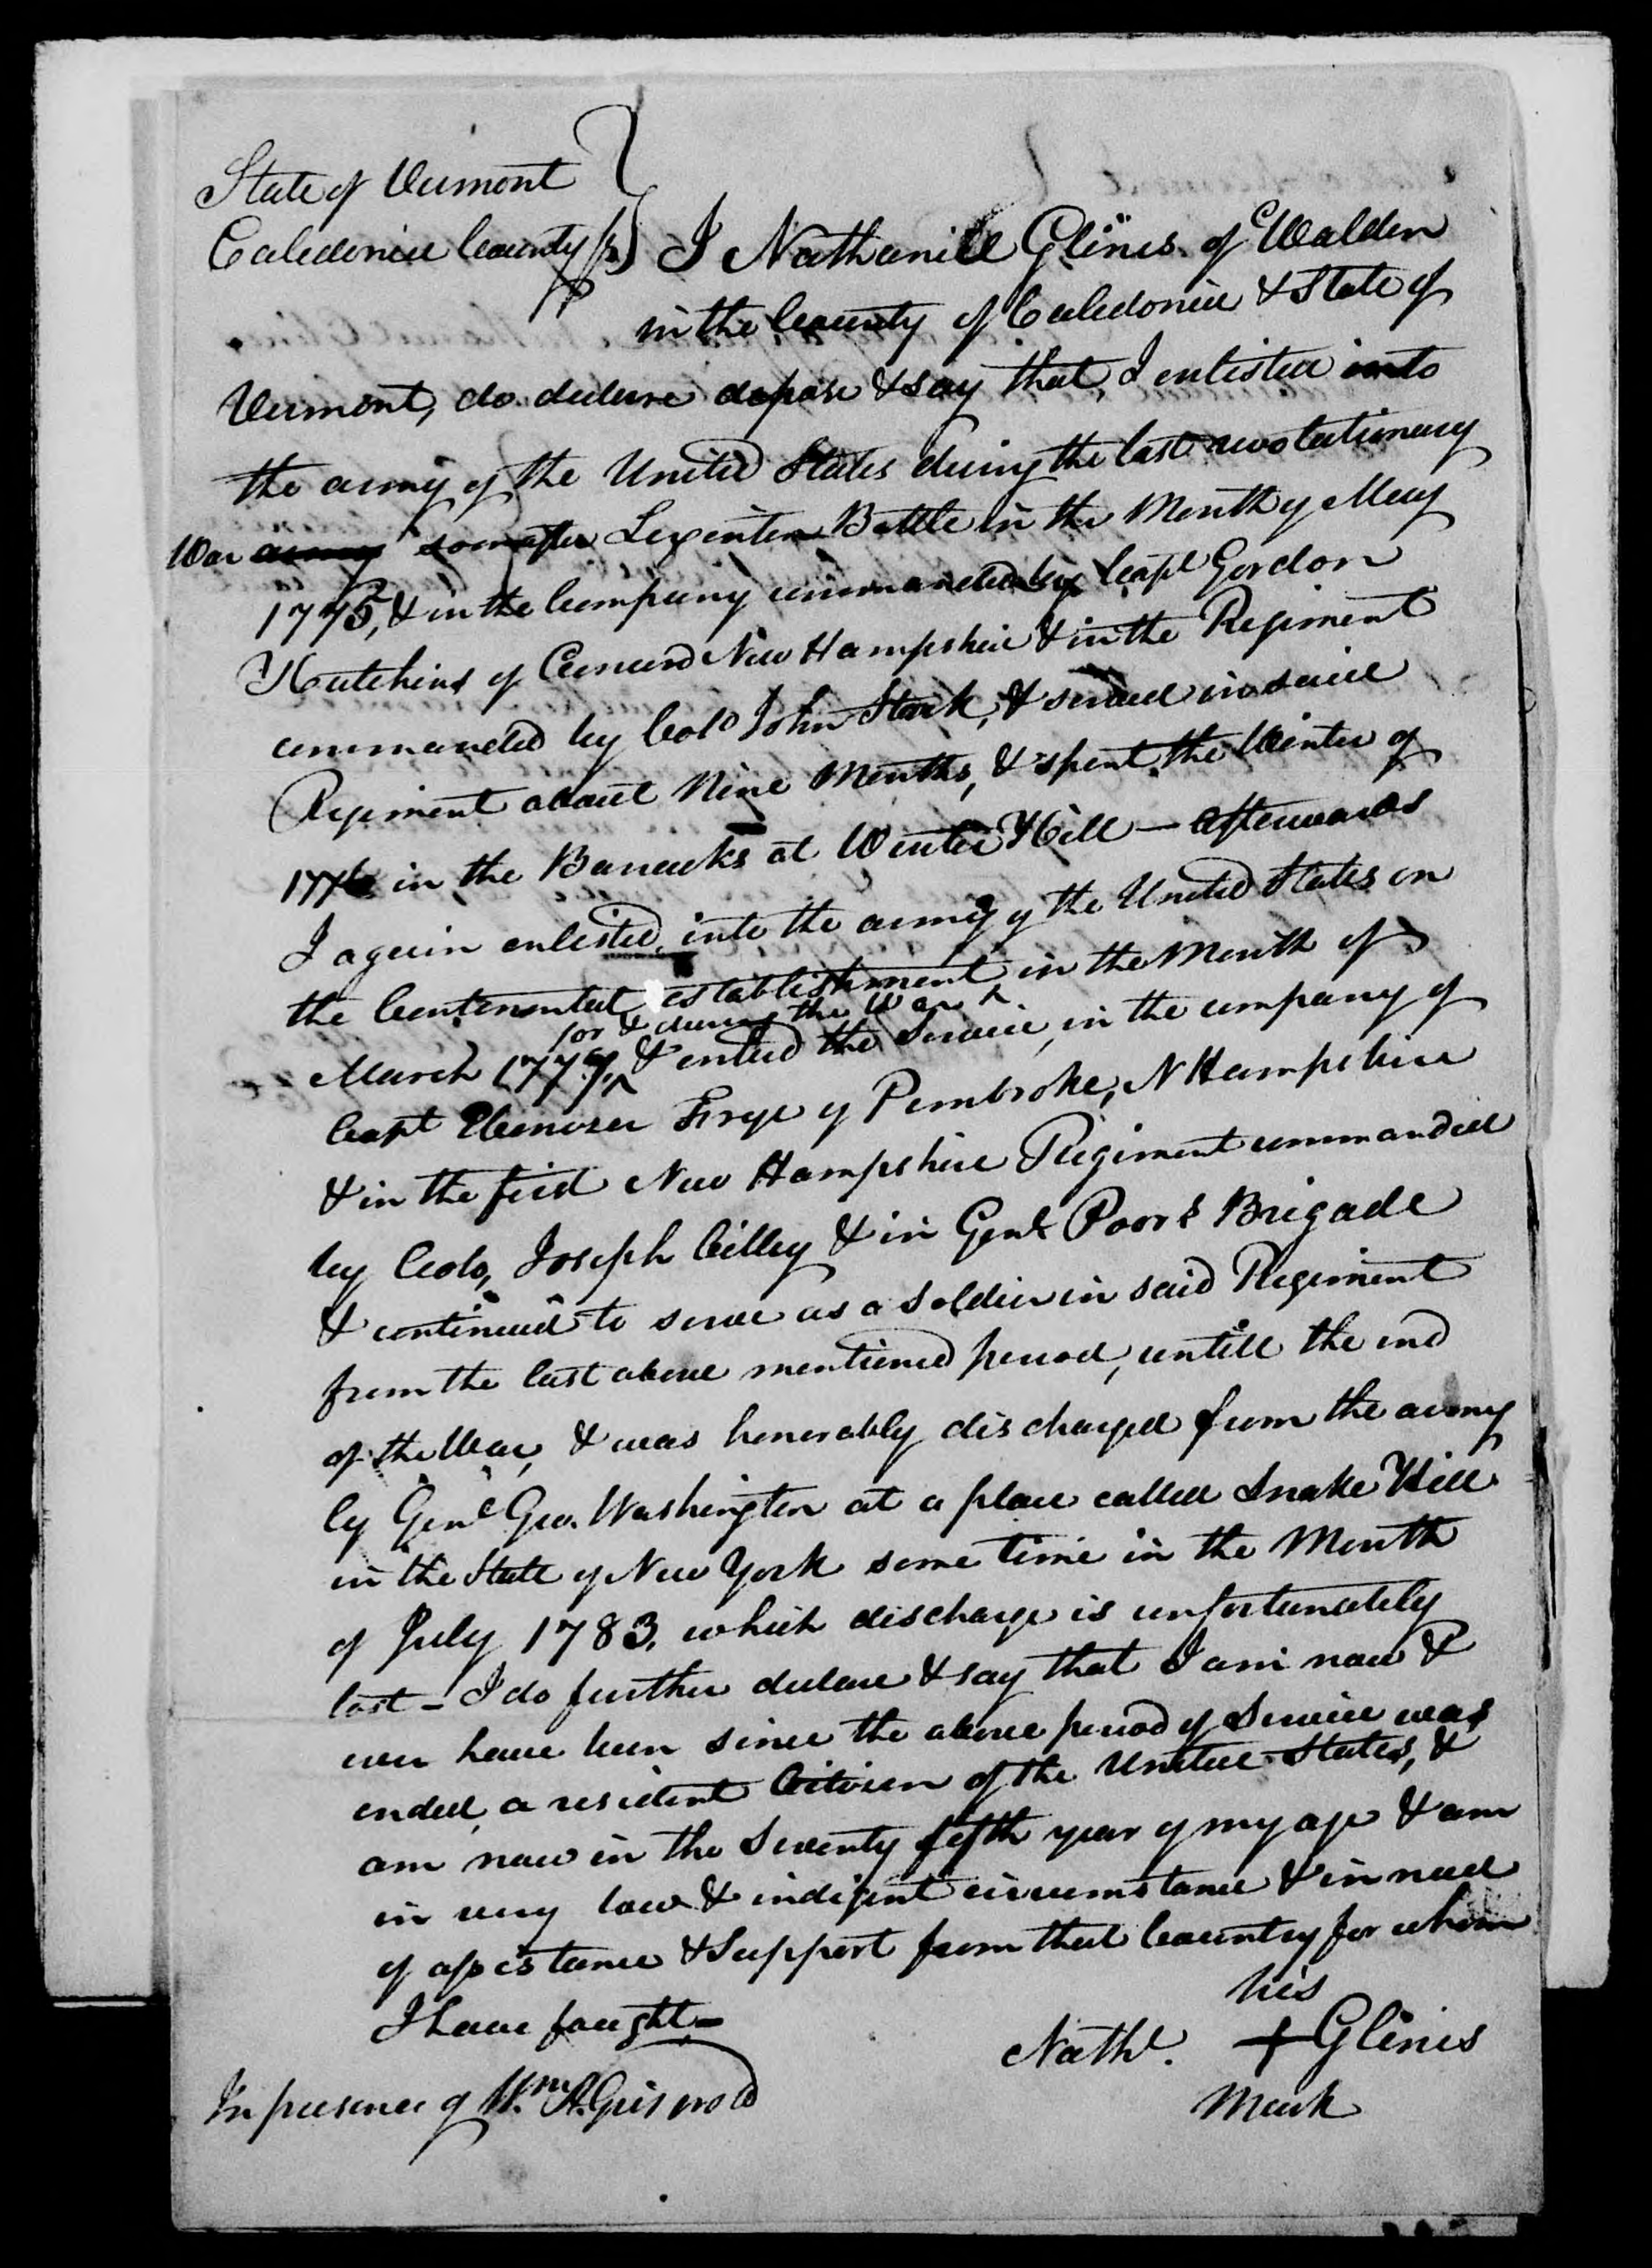State of Vermont
Caledonia County Ss.}
I Nathaniel Glines od Walden
in the County of Caledonia & State of
Vermont, do declare depose & say that I enlisted into
the army of the United States during the last revolutionary
War soon after Lexington Battle in the month of May
1775 & in the company commanded by Capt. Gordon
Hutchins of Concord New Hampshire & in the Regiment
commanded by Col. John Stark & served in said
Regiment about nine months, & spent the winter of
1776 in the barracks at Winter Hill - afterwards
I again enlisted into the army of the United States on 
the Continental establishment in the month of
March 1777 for and during the War in the company of
Capt Ebenezer Frye of Pembroke, N. Hampshire
& in the first New Hampshire Regiment commanded
by Colo. Joseph Gilley & in Gen'l. Poor's Brigade
& continued to serve as a soldier in said Regiment
from the last above mentioned period untill the end
of the War & was honorably discharged from the army
by Gen'l Geo. Washington at a placed called Snake Hill
in the State of New York some time in the Month
of July 1783, which discharge is unfortunately
lost - I do further declare & say that I am now &
ever have been since the above period of service was
ended a resident citizen of the United States &
am now in the seventy fifth year of my age & am
in my very low and indigent circumstances & in need
of assistance & support from that Country for whom
I have fought.
Nath'l Glines
his mark
In presence of Wm. A. Griswold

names: Gordon Hutchins, Wm A Griswold, Geo Washington, Ebenezer Frye, Nathl Glines, Joseph Cilley, Nathaniel Glines, John Stark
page: 6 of 29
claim: widow's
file: W. 24,282, Nathaniel Glines, N.H.